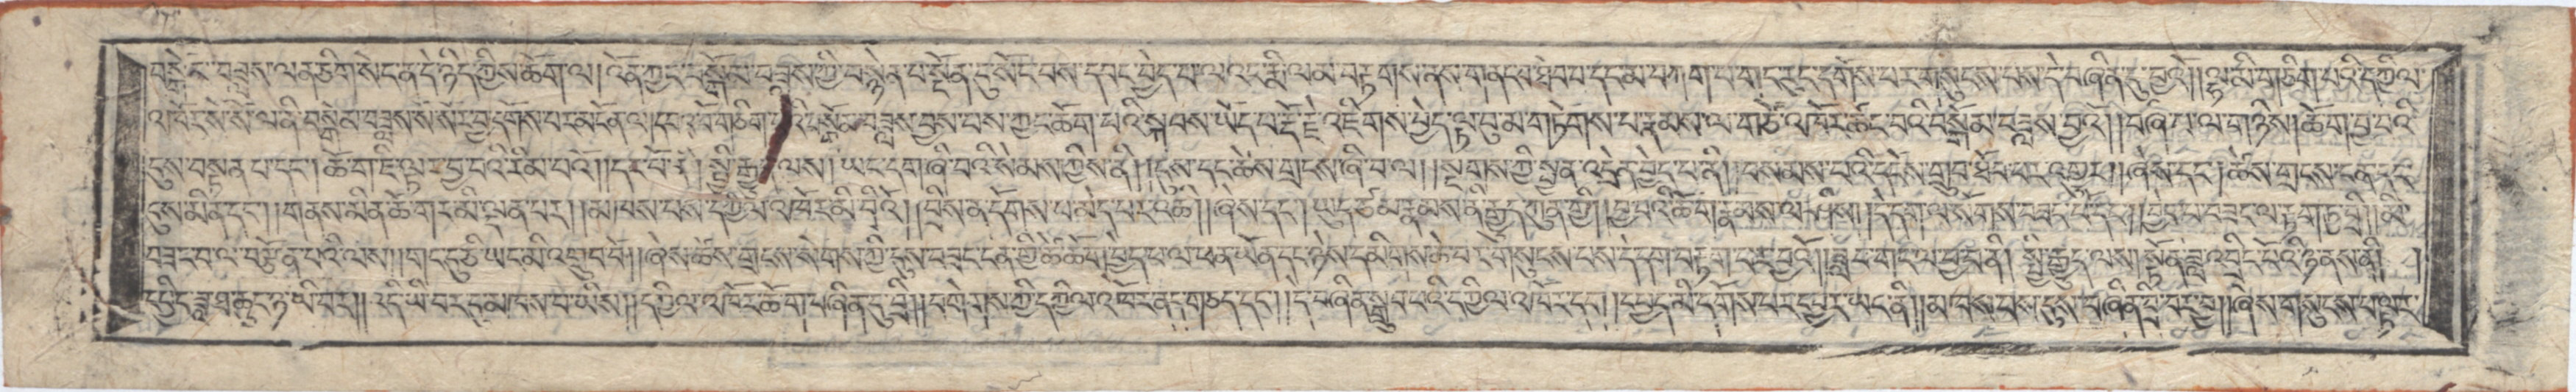བསྒོམ་བཟླས་ལན་ཅིག་སོང་ན་དེ་ཉིད་ཀྱིས་ཆོག་ལ། འོན་ཀྱང་བསྒོམ་བཟླས་ཀྱི་བསྙེན་པ་སྔོན་དུ་སོང་བས་དབང་བྱེད་པ་ལའང་རྨི་ལམ་བརྟགས་ནས་གནང་བ་ཐོབ་པ་དང་མ་བཀག་པ་གང་རུང་དགོས་པར་གསུངས་པས་དེ་བཞིན་དུ་བྱའོ། །ལྷ་མི་གཅིག་པའི་དཀྱིལ་
འཁོར་སོ་སོ་ལ་ནི་བསྒོམ་བཟླས་སོ་སོར་བྱ་དགོས་པར་མངོན་ལ། དཔའ་བོ་གཅིག་པའི་བསྒོམ་བཟླས་བྱས་པས་ཀྱང་ཆོག་པའི་སྐབས་ཡོད་པ་རྡོ་རྗེ་འཇིགས་བྱེད་ལྟ་བུ་མ་གཏོགས་པ་རྣམས་ལ་གཙོ་འཁོར་ཚང་བའི་བསྒོམ་བཟླས་བྱའོ། །བཞི་པ་ལ་གཉིས། ཆོ་ག་བྱ་བའི་
དུས་བསྟན་པ་དང་། ཆོ་ག་ཇི་ལྟར་བྱ་བའི་རིམ་པའོ། །དང་པོ་ནི། སྤྱི་རྒྱུད་ལས། ཡང་དག་ཞི་བའི་སེམས་ཀྱིས་ནི། །དུས་དང་ཚེས་གྲངས་ཞི་བ་ལ། །སྔགས་ཀྱི་སྤྱན་འདྲེན་བྱེད་པ་ནི། །བསམས་པའི་དངོས་གྲུབ་ཐོབ་པར་འགྱུར། །ཞེས་དང་། ཚེས་གྲངས་ངན་དང་
དུས་མིན་དང་། །གནས་མིན་ཆོ་གར་མི་ལྡན་པར། །མཁས་པས་དཀྱིལ་འཁོར་མི་བྲིའོ། །བྲིས་ན་དོགས་པ་མེད་པར་འཆི། །ཞེས་དང་། ཡུད་ཙམ་རྣམས་ནི་རྒྱུད་ཀུན་གྱི། །བྱ་བའི་ཆོ་ག་རྣམས་ལ་ཤིས། །དེ་དག་ལ་སོགས་བཟང་པོ་དང་། །བྱེད་པ་བཟང་ལ་རྟག་ཏུ་བྲི། །མི་
བཟང་པ་ལ་བརྩོན་པའི་ལས། །གང་དུ་ཅི་ཡང་མི་འགྲུབ་བོ། །ཞེས་ཚེས་གྲངས་སོགས་ཀྱི་དུས་བཟང་ངན་གྱི་ཚེ་ཆོག་བྱེད་པ་ལ་ཕན་ཡོན་དང་ཉེས་དམིགས་ཆེ་བར་གསུངས་པས་དེ་དག་བརྟག་པར་བྱའོ། །ཟླ་བ་གང་ལ་བྱ་བ་ནི། སྤྱི་རྒྱུད་ལས། སྟོན་ཟླ་འབྲིང་པོའི་ཉ་ནས་ནི། །
དཔྱིད་ཟླ་ཐ་ཆུང་ཉ་ཡི་བར། །འདི་ཡི་བར་དུ་མཁས་པ་ཡིས། །དཀྱིལ་འཁོར་ཆོ་ག་བཞིན་དུ་བྲི། །བགེགས་ཀྱི་དཀྱིལ་འཁོར་ནད་གཅོད་དང་། །དེ་བཞིན་སྒྲུབ་པའི་དཀྱིལ་འཁོར་དག །དཔྱད་མི་དགོས་པར་དབྱར་ཡང་ནི། །མཁས་པས་དུས་བཞིན་བྲི་བར་བྱ། །ཞེས་གསུངས་པ་ལྟར་